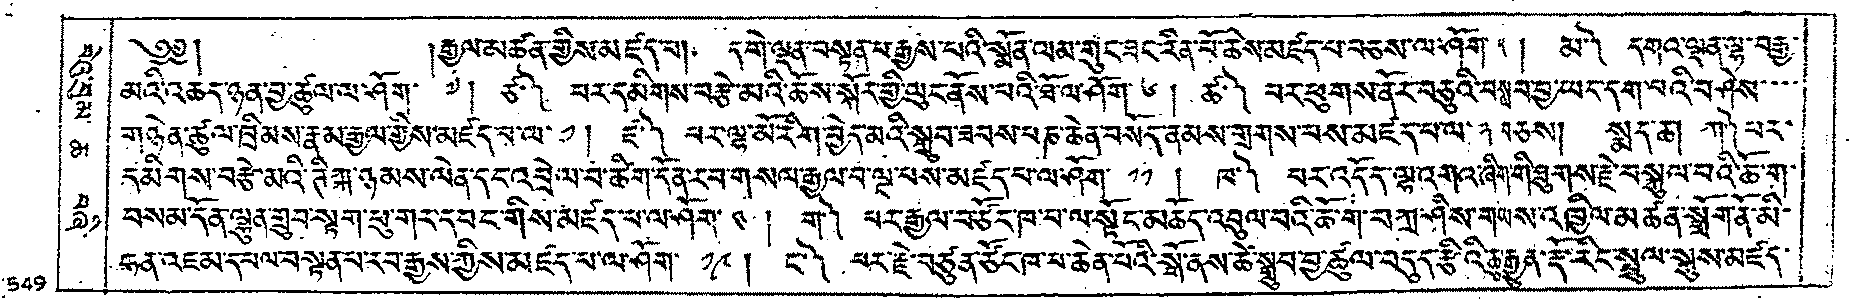༄༅། །རྒྱལ་མཚན་གྱིས་མཛད་པ། དགེ་ལྡན་བསྟན་པ་རྒྱས་པའི་སྨོན་ལམ་གུང་ཐང་རིན་པོ་ཆེས་མཛད་པ་བཅས་ལ་ཤོག ༥། མ྄་དགའ་ལྡན་ལྷ་བརྒྱ་
མའི་འཆད་ཉན་བྱ་ཚུལ་ལ་ཤོག ༧། ཙ྄་པར་དམིགས་བརྩེ་མའི་ཆོས་སྐོར་གྱི་ལུང་ནོས་པའི་ཐོ་ལ་ཤོག ༦། ཚ྄་པར་ཕུགས་ནོར་བཅུའི་བསླབ་བྱ་ཡང་དག་པའི་བཤེས་
གཉེན་ཚུལ་ཁྲིམས་རྣམ་རྒྱལ་གྱིས་མཛད་པ་ལ ༡། ཛ྄་པར་ལྷ་མོ་རིག་བྱེད་མའི་སྒྲུབ་ཐབས་པཎ་ཆེན་བསོད་ནམས་གྲགས་པས་མཛད་པ་ལ ༢་བཅས། སྨད་ཆ། ཀ྄་པར་
དམིགས་བརྩེ་མའི་ཊིཀྐ་ཉམས་ལེན་དང་འབྲེལ་བ་ཚིག་དོན་རབ་གསལ་རྒྱལ་བ་ལྔ་པས་མཛད་པ་ལ་ཤོག ༡༡། ཁ྄་པར་འདོད་ལྷ་འགའ་ཞིག་གི་ཐུགས་རྗེ་བསྐུལ་བའི་ཆོ་ག་
བསམ་དོན་ལྷུན་གྲུབ་སྟག་ཕུ་གར་དབང་གིས་མཛད་པ་ལ་ཤོག ༤། ག྄་པར་རྒྱལ་བ་ཙོང་ཁ་པ་ལ་སྟོང་མཆོད་འབུལ་བའི་ཆོ་ག་བཀྲ་ཤིས་གཡས་འཁྱིལ་མཚན་སྒྲོག་ནོ་མི་
ཧན་འཇམ་དཔལ་བསྟན་པ་རབ་རྒྱས་ཀྱིས་མཛད་པ་ལ་ཤོག ༡༩། ང྄་པར་རྗེ་བཙུན་ཙོང་ཁ་པ་ཆེན་པོའི་སྒོ་ནས་ཚེ་སྒྲུབ་བྱ་ཚུལ་བདུད་རྩིའི་ཆུ་རྒྱུན་རྡོ་རིང་སྤྲུལ་སྐུས་མཛད་